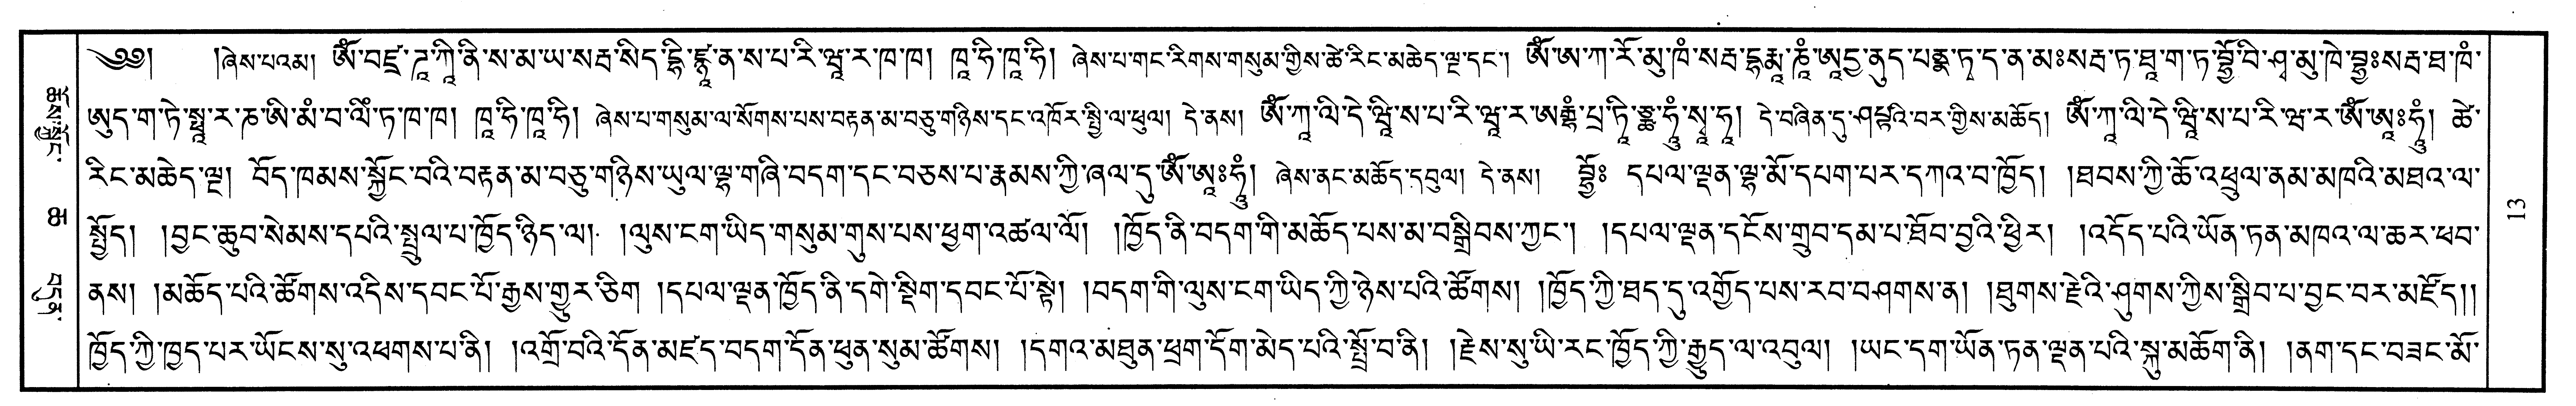༄༅། །ཞེས་པའམ། ཨོཾ་བཛྲ་ཌཱ་ཀཱི་ནི་ས་མ་ཡ་སརྦ་སིད་དྷི་ཛྙཱ་ན་ས་པ་རི་ཝཱ་ར་ཁ་ཁ། ཁཱ་ཧི་ཁཱ་ཧི། ཞེས་པ་གང་རིགས་གསུམ་གྱིས་ཚེ་རིང་མཆེད་ལྔ་དང་། ཨོཾ་ཨ་ཀ་རོ་མུ་ཁཾ་སརྦ་དྷརྨཱ་ཎཱཾ་ཨཱདྱ་ནུད་པནྣ་ཏྭ་ད་ན་མཿ སརྦ་ཏ་ཐཱ་ག་ཏ་བྷྱོ་བི་ཤྭ་མུ་ཁེ་བྷྱཿ སརྦ་ཐ་ཁཾ་
ཨུད་ག་ཏེ་སྥཱ་ར་ཎ་ཨི་མཾ་བ་ལིཾ་ཏ་ཁ་ཁ། ཁཱ་ཧི་ཁཱ་ཧི། ཞེས་པ་གསུམ་ལ་སོགས་པས་བརྟན་མ་བཅུ་གཉིས་དང་འཁོར་སྤྱི་ལ་ཕུལ། དེ་ནས། ཨོཾ་ཀཱ་ལི་དེ་ཝཱི་ས་པ་རི་ཝཱ་ར་ཨརྒྷཾ་པྲ་ཏཱི་ཙྪ་ཧཱུཾ་སྭཱ་ཧཱ། དེ་བཞིན་དུ་ཤཔྟའི་བར་གྱིས་མཆོད། ཨོཾ་ཀཱ་ལི་དེ་ཝཱི་ས་པ་རི་ཝ་ར་ཨོཾ་ཨཱཿ ཧཱུཾ། ཚེ་
རིང་མཆེད་ལྔ། བོད་ཁམས་སྐྱོང་བའི་བརྟན་མ་བཅུ་གཉིས་ཡུལ་ལྷ་གཞི་བདག་དང་བཅས་པ་རྣམས་ཀྱི་ཞལ་དུ་ཨོཾ་ཨཱཿ ཧཱུཾ། ཞེས་ནང་མཆོད་དབུལ། དེ་ནས། བྷྱོཿ དཔལ་ལྡན་ལྷ་མོ་དཔག་པར་དཀའ་བ་ཁྱོད། །ཐབས་ཀྱི་ཆོ་འཕྲུལ་ནམ་མཁའི་མཐའ་ལ་
སྤྱོད། །བྱང་ཆུབ་སེམས་དཔའི་སྤྲུལ་པ་ཁྱོད་ཉིད་ལ། །ལུས་ངག་ཡིད་གསུམ་གུས་པས་ཕྱག་འཚལ་ལོ། །ཁྱོད་ནི་བདག་གི་མཆོད་པས་མ་བསྒྲིབས་ཀྱང་། །དཔལ་ལྡན་དངོས་གྲུབ་དམ་པ་ཐོབ་བྱའི་ཕྱིར། །འདོད་པའི་ཡོན་ཏན་མཁའ་ལ་ཆར་ཕབ་
ནས། །མཆོད་པའི་ཚོགས་འདིས་དབང་པོ་རྒྱས་གྱུར་ཅིག །དཔལ་ལྡན་ཁྱོད་ནི་དགེ་སྡིག་དབང་པོ་སྟེ། །བདག་གི་ལུས་ངག་ཡིད་ཀྱི་ཉེས་པའི་ཚོགས། །ཁྱོད་ཀྱི་ཐད་དུ་འགྱོད་པས་རབ་བཤགས་ན། །ཐུགས་རྗེའི་ཤུགས་ཀྱིས་སྒྲིབ་པ་བྱང་བར་མཛོད།།
ཁྱོད་ཀྱི་ཁྱད་པར་ཡོངས་སུ་འཕགས་པ་ནི། །འགྲོ་བའི་དོན་མཛད་བདག་དོན་ཕུན་སུམ་ཚོགས། །དགའ་མཐུན་ཕྲག་དོག་མེད་པའི་སྤྲོ་བ་ནི། །རྗེས་སུ་ཡི་རང་ཁྱོད་ཀྱི་རྒྱུད་ལ་འབུལ། །ཡང་དག་ཡོན་ཏན་ལྡན་པའི་སྐུ་མཆོག་ནི། །ནག་དང་བཟང་མོ་